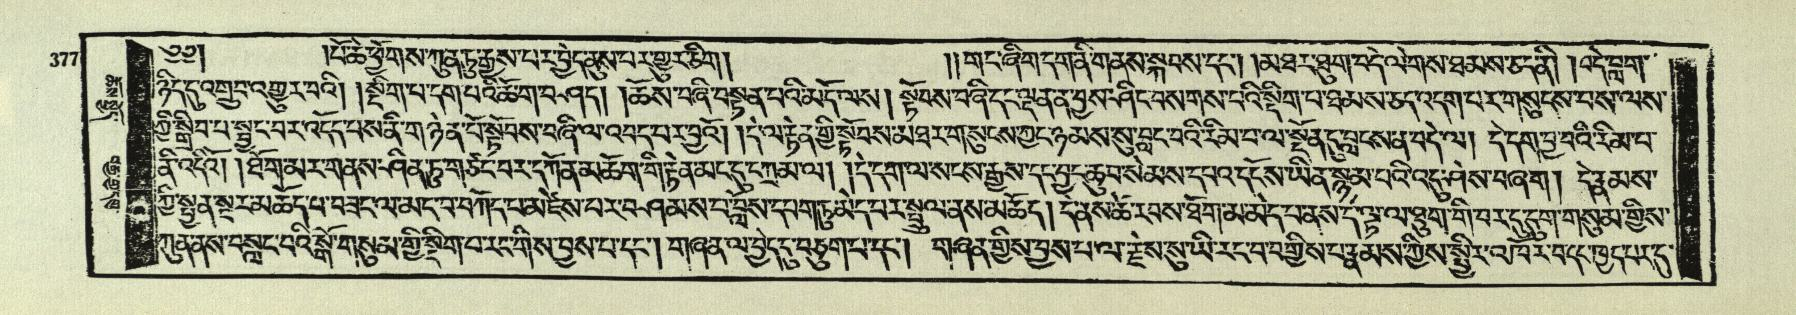༄༅། །པོ་ཆེ་ཕྱོགས་ཀུན་ཏུ་རྒྱས་པར་བྱེད་ནུས་པར་གྱུར་ཅིག ། །།གང་ཞིག་དག་ནི་གནས་སྐབས་དང་། །མཐར་ཐུག་བདེ་ལེགས་ཐམས་ཅད་ནི། །བདེ་བླག་
ཉིད་དུ་འགྲུབ་འགྱུར་བའི། །སྡིག་པ་དག་པའི་ཆོ་ག་བཤད། །ཆོས་བཞི་བསྟན་པའི་མདོ་ལས། སྟོབས་བཞི་དང་ལྡན་ན་བྱས་ཤིང་བསགས་པའི་སྡིག་པ་ཐམས་ཅད་འདག་པར་གསུངས་པས་ལས་
ཀྱི་སྒྲིབ་པ་སྦྱང་བར་འདོད་པས་ནི་གཉེན་པོ་སྟོབས་བཞི་ལ་འབད་པར་བྱའོ། །དེ་ལ་རྟེན་གྱི་སྟོབས་མཐར་གསུངས་ཀྱང་ཉམས་སུ་བླང་བའི་རིམ་པ་ལ་སྔོན་དུ་བླངས་ན་བདེ་ལ། དེ་དག་བྱ་བའི་རིམ་པ་
ནི་འདིའོ། །ཐོག་མར་གནས་ཤིན་ཏུ་གཙང་བར་དཀོན་མཆོག་གི་རྟེན་མང་དུ་དཀྲམ་ལ། །དེ་དག་ལ་སངས་རྒྱས་དང་བྱང་ཆུབ་སེམས་དཔའ་དངོས་ཡིན་སྙམ་པའི་འདུ་ཤེས་བཞག །དེ་རྣམས་
ཀྱི་སྤྱན་སྔར་མཆོད་པ་བཟང་ལ་མང་བ་བཀོད་པ་མཛེས་པར་བཤམས་བ་བློས་དཔག་ཏུ་མེད་པར་སྤྲུལ་ནས་མཆོད། དེ་ནས་ཚེ་རབས་ཐོག་མ་མེད་པ་ནས་དེ་ལྟ་ལ་ཐུག་གི་བར་དུ་དུག་གསུམ་གྱིས་
ཀུན་ནས་བསླང་བའི་སྒོ་གསུམ་གྱི་སྡིག་བ་རང་གིས་བྱས་པ་དང་། གཞན་ལ་བྱེད་དུ་བཅུག་པ་དང་། གཞན་གྱིས་བྱས་པ་ལ་རྗེས་སུ་ཡི་རང་བ་བགྱིས་པ་རྣམས་ཀྱིས་སྤྱིར་འཁོར་བ་དང་ཁྱད་པར་དུ་